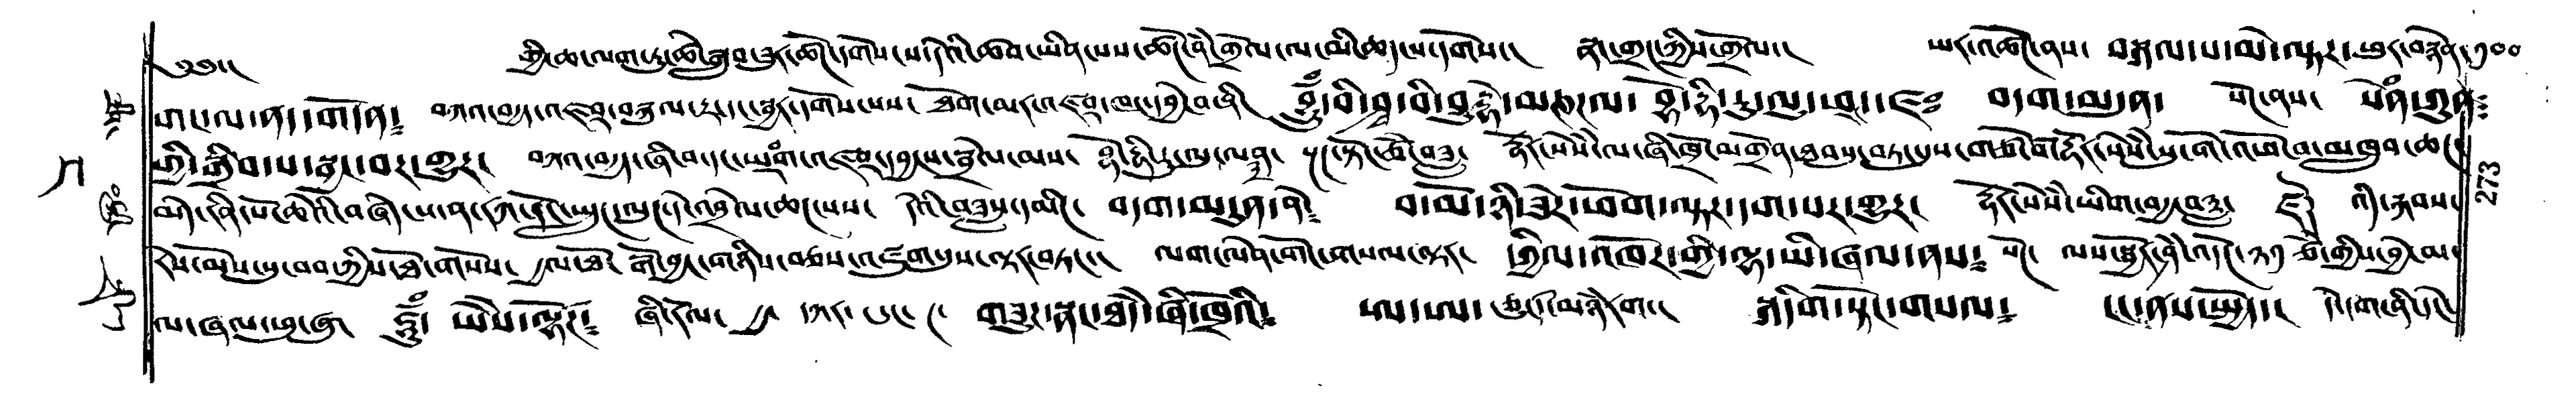གྱི་ཆ་ལག་ཏུ་ཚེ་སྒྲུབ་ཟུར་འཚོགས་དགོས་པ་དེའི་ཚབ་ཡིན་པས་ཚོགས་ནམ་གྲོལ་ལ་མི་ཆད་པ་དགོས། སྣང་གྲགས༴ ཀྱིས་གྲོལ། ཡར་ཚོགས་ནས། བསྐལ་པ་མེ་ལྟར༴ ཕུར་སྙེན་བརྒྱ་རྩ། 
གང་ལ་ནད་གདོན༴ བཀའ་བརྒྱད་འཛཔྲ་བསྐུལ་རྟ་དང་སྦྱོར་དགོས་པས། ཐོག་མར་ཛཔྲ་ཁང་དབྱེ་བ་ནི། བྷྲུྃ་བི་ཤྭ་བི་ཤུདྡྷེ་མཎྜལ༴ བྷོ་དྷི་རུ་ལུ་ཕཊ་ཛཿ བདག་མདུན༴ སོགས་ནས། སེམས་ཅན་ཀུན་
གྱི་སྒྲིབ་པ་སྦྱང་བར་གྱུར། བཀའ་བརྒྱད་ཞི་བ་དང་ཡང་དག་ཛཔྲ་དབྱངས་སྦྲེལ་མས། བྷོ་དྷི་རུ་ལུ་ལན་གསུམ། སྔགས་སྟོང་ཙམ་བཟླ། རྡོར་སེམས་ལ་ཞི་ཁྲོ་མགྲོན་ཐབས་སུ་གཏོང་དུས་གཙོ་བོ་རྡོར་སེམས་སུ་གོ་འཕོ་བ་མཁས་གྲུབ་ཆགས་
མེད་རིན་པོ་ཆེའི་བཞེད་པ་ན་རཀ་དོང་སྤྲུགས་ལུགས་དེ་འབྲེལ་ཆགས་པས་དེའི་བཟླས་དམིགས།བདག་མདུན༴ བ་མོར་ཉི་ཟེར་ཕོག་ལྟར་དག་པར་གྱུར། །རྡོར་སེམས་ཡིག་བརྒྱ་བཟླ། འདིའྀ་སྐབས་
རེས་མོས་སུ་བབས་ཀྱིས་ཐོ་གསོས། རྒྱལ་ཐོ་སྒོ་བྱང་གཉིས་བཅས་འཇུག་དུས་ལྟར་གཏང་། ལག་ལེན་གོང་གསལ་ལྟར་། དཀྱིལ་འཁོར་གྱི་ལྷ་ཡི་ཞལ་ནས༴ སོགས། ལས་སྦྱོར་གཤམ་འདོགས་ཉེར་གཅིག་ཙམ་གྱི་བྱེ་མ་
ལ་ཞལ་ཕུ་ཞུ། ཧཱུྃ། ཡེ་ཤེས་ལྷ་ཚོགས༴ ཞི་རོལ། རྒྱ། དཀར། དུང་། ཌཱ། གཟུགས་སྣང་ཐམས་ཅད་ཞི་ཁྲོའི༴ ཨ་ཨཱཿ ཅུང་ཟད་མཉམ་པར་གཞག སྐད་ཅིག་སྟོང་གསལ༴ ངང་ནས་སྤྱོད། དེ་དག་ནི་དེང་